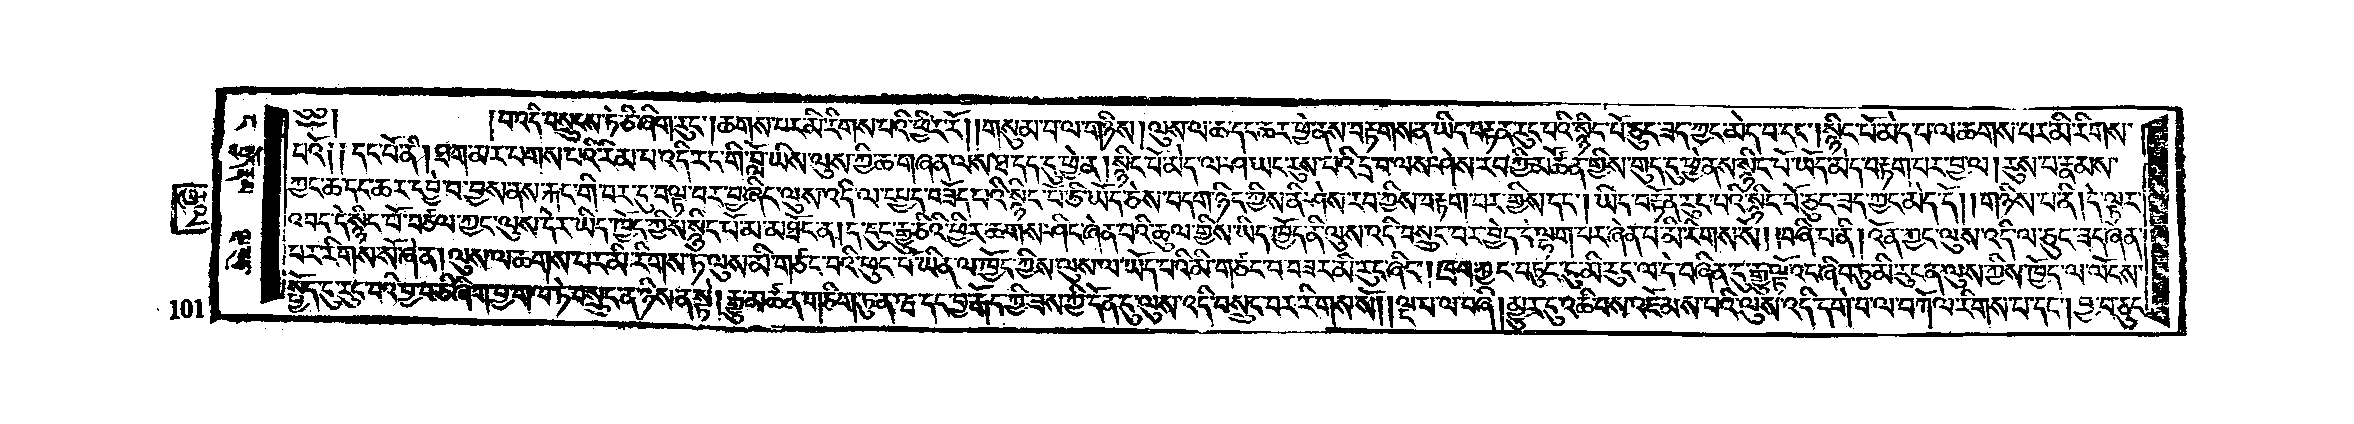༄༅། །བ་འདི་བསྲུངས་ཏེ་ཅི་ཞིག་རུང་། ཆགས་པར་མི་རིགས་པའི་ཕྱིར་རོ། །གསུམ་པ་ལ་གཉིས། ལུས་ལ་ཆ་དང་ཆར་ཕྱེ་ནས་བརྟགས་ན་ཡིད་བརྟན་རུང་བའི་སྙིང་པོ་ཅུང་ཟད་ཀྱང་མེད་པ་དང་། སྙིང་པོ་མེད་པ་ལ་ཆགས་པར་མི་རིགས་
པའོ༑ ༑དང་པོ་ནི། ཐག་མར་པགས་པའི་རིམ་པ་འདི་རང་གི་བློ་ཡིས་ལུས་ཀྱི་ཆ་གཞན་ལས་ཐ་དད་དུ་ཕྱེ་ན། སྙིང་པོ་མེད་ལ་ཤ་ཡང་རུས་པའི་དྲ་བ་ལས་ཤེས་རབ་ཀྱི་མཚོན་གྱིས་གུད་དུ་ཕྱེ་ནས་སྙིང་པོ་ཡོད་མེད་བརྟག་པར་བྱ་ལ། རུས་པ་རྣམས་
ཀྱང་ཆ་དང་ཆར་དབྱེ་བ་བྱས་ནས་རྐང་གི་བར་དུ་བལྟ་བར་བྱ་ཞིང་ལུས་འདི་ལ་དཔྱད་བཟོད་པའི་སྙིང་པོ་ཅི་ཡོད་ཅེས་བདག་ཉིད་ཀྱིས་ནི་ཤེས་རབ་ཀྱིས་བརྟག་པར་གྱིས་དང་། ཡིད་བརྟོན་རུང་བའི་སྙིང་པོ་ཅུང་ཟད་ཀྱང་མེད་དོ། །གཉིས་པ་ནི། དེ་ལྟར་
འབད་དེ་སྙིང་པོ་བཙལ་ཀྱང་ལུས་དེར་ཡིད་ཁྱོད་ཀྱིས་སྙིང་པོ་ལ་མ་མཐོང་ན། ད་དུང་རྒྱུ་ཅིའི་ཕྱིར་ཆགས་ཤིང་ཞེན་པའི་ཚུལ་གྱིས་ཡིད་ཁྱོད་ནི་ལུས་འདི་བསྲུང་བར་བྱེད་དེ་ལྷག་པར་ཞེན་པ་མི་རིགས་སོ། །བཞི་པ་ནི། འོན་ཀྱང་ལུས་འདི་ལ་ཅུང་ཟད་ཞེན་
པར་རིགས་སོ་ཞེ་ན། ལུས་ལ་ཆགས་པར་མི་རིགས་ཏེ་ལུས་མི་གཙང་བའི་ཕུང་པོ་ཡིན་ལ་ཡོད་པའི་མི་གཙང་བ་བཟར་མི་རུང་ཞིང་། ཁྲག་ཀྱང་བཏུང་དུ་མི་རུང་ལ་དེ་བཞིན་དུ་རྒྱུ་ལྟོའང་ཞིབ་ཏུ་མི་རུང་ན་ལུས་ཀྱིས་ཁྱོད་ལ་ལོངས་
སྤྱོད་དུ་རུང་བའི་བྱ་བ་ཅི་ཞིག་བྱ་གལ་ཏེ་བསྲུང་ན་ཉིས་ན་སྟེ། རྒྱུ་མཚན་གཅིག་ཏུ་ན་ཝ་དང་བྱ་རྒོད་ཀྱི་ཟས་ཀྱི་དོན་དུ་ལུས་འདི་བསྲུང་བར་རིགས་སོ། །ལྔ་པ་ལ་བཞི། མྱུར་དུ་འཆི་བས་འཇོམས་པའི་ལུས་འདི་དགེ་བ་ལ་བཀོལ་རིགས་པ་དང་། བྱ་བ་ཅུང་